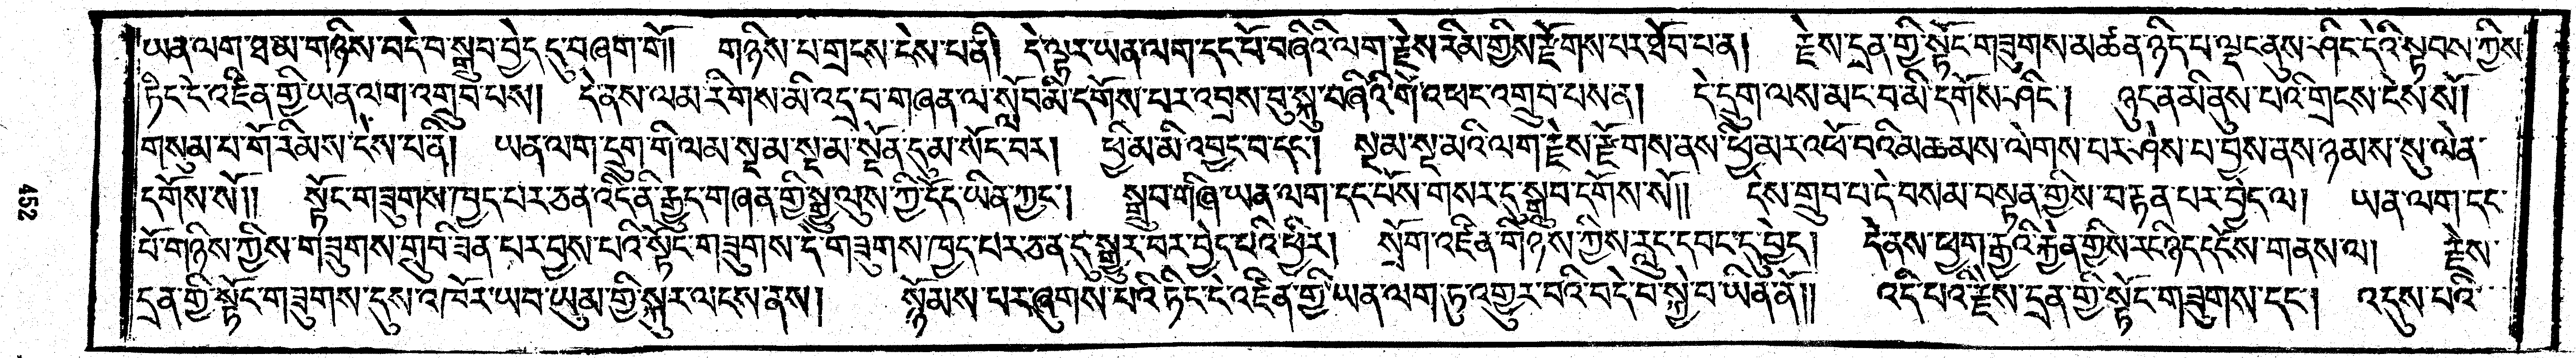ཡན་ལག་ཐ་མ་གཉིས་བདེ་བ་སྒྲུབ་བྱེད་དུ་བཞག་གོ། གཉིས་པ་གྲངས་ངེས་པ་ནི། དེ་ལྟར་ཡན་ལག་དང་པོ་བཞིའི་ལག་རྗེས་རིམ་གྱིས་རྫོགས་པར་ཐོབ་པ་ན། རྗེས་དྲན་གྱི་སྟོང་གཟུགས་མཚན་ཉིད་པ་ལྡང་ནུས་ཤིང་དེའི་སྟབས་ཀྱིས་
ཏིང་ངེ་འཛིན་གྱི་ཡན་ལག་འགྲུབ་པས། དེ་ནས་ལམ་རིགས་མི་འདྲ་བ་གཞན་ལ་སློབ་མི་དགོས་པར་འབྲས་བུ་སྐུ་བཞིའི་གོ་འཕང་འགྲུབ་པས་ན། དེ་དྲུག་ལས་མང་བ་མི་དགོས་ཤིང་། ཉུང་ན་མི་ནུས་པའི་གྲངས་ངེས་སོ།
གསུམ་པ་གོ་རིམས་ངེས་པ་ནི། ཡན་ལག་དྲུག་གི་ལམ་སྔ་མ་སྔ་མ་སྔོན་དུ་མ་སོང་བར། ཕྱི་མ་མི་འབྱང་བ་དང་། སྔ་མ་སྔ་མའི་ལག་རྗེས་རྫོགས་ནས་ཕྱི་མར་འཕོ་བའི་མཆམས་ལེགས་པར་ཤེས་པ་བྱས་ནས་ཉམས་སུ་ལེན་
དགོས་སོ།། སྟོང་གཟུགས་ཁྱད་པར་ཅན་འདི་ནི་རྒྱུད་གཞན་གྱི་སྒྱུ་ལུས་ཀྱི་དོད་ཡིན་ཀྱང་། སྒྲུབ་གཞི་ཡན་ལག་དང་པོས་གསར་དུ་སྒྲུབ་དགོས་སོ།། དེས་གྲུབ་པ་དེ་བསམ་བསྟན་གྱིས་བརྟན་པར་བྱེད་ལ། ཡན་ལག་དང་
པོ་གཉིས་ཀྱིས་གཟུགས་གྲུབ་ཟིན་པར་བྱས་པའི་སྟོང་གཟུགས་དེ་གཟུགས་ཁྱད་པར་ཅན་དུ་སྒྱུར་བར་བྱེད་པའི་ཕྱིར། སྲོག་འཛིན་གཉིས་ཀྱིས་རླུང་དབང་དུ་བྱེད། དེ་ནས་ཕྱག་རྒྱའི་རྐྱེན་གྱིས་རང་ཉིད་དངོས་གནས་ལ། རྗེས་
དྲན་གྱི་སྟོང་གཟུགས་དུས་འཁོར་ཡབ་ཡུམ་གྱི་སྐུར་ལངས་ནས། སྙོམས་པར་ཞུགས་པའི་ཏིང་ངེ་འཛིན་གྱི་ཡན་ལག་ཏུ་འགྱུར་བའི་བདེ་བ་སྐྱེ་བ་ཡིན་ནོ།། འདི་པའི་རྗེས་དྲན་གྱི་སྟོང་གཟུགས་དང་། འདུས་པའི་